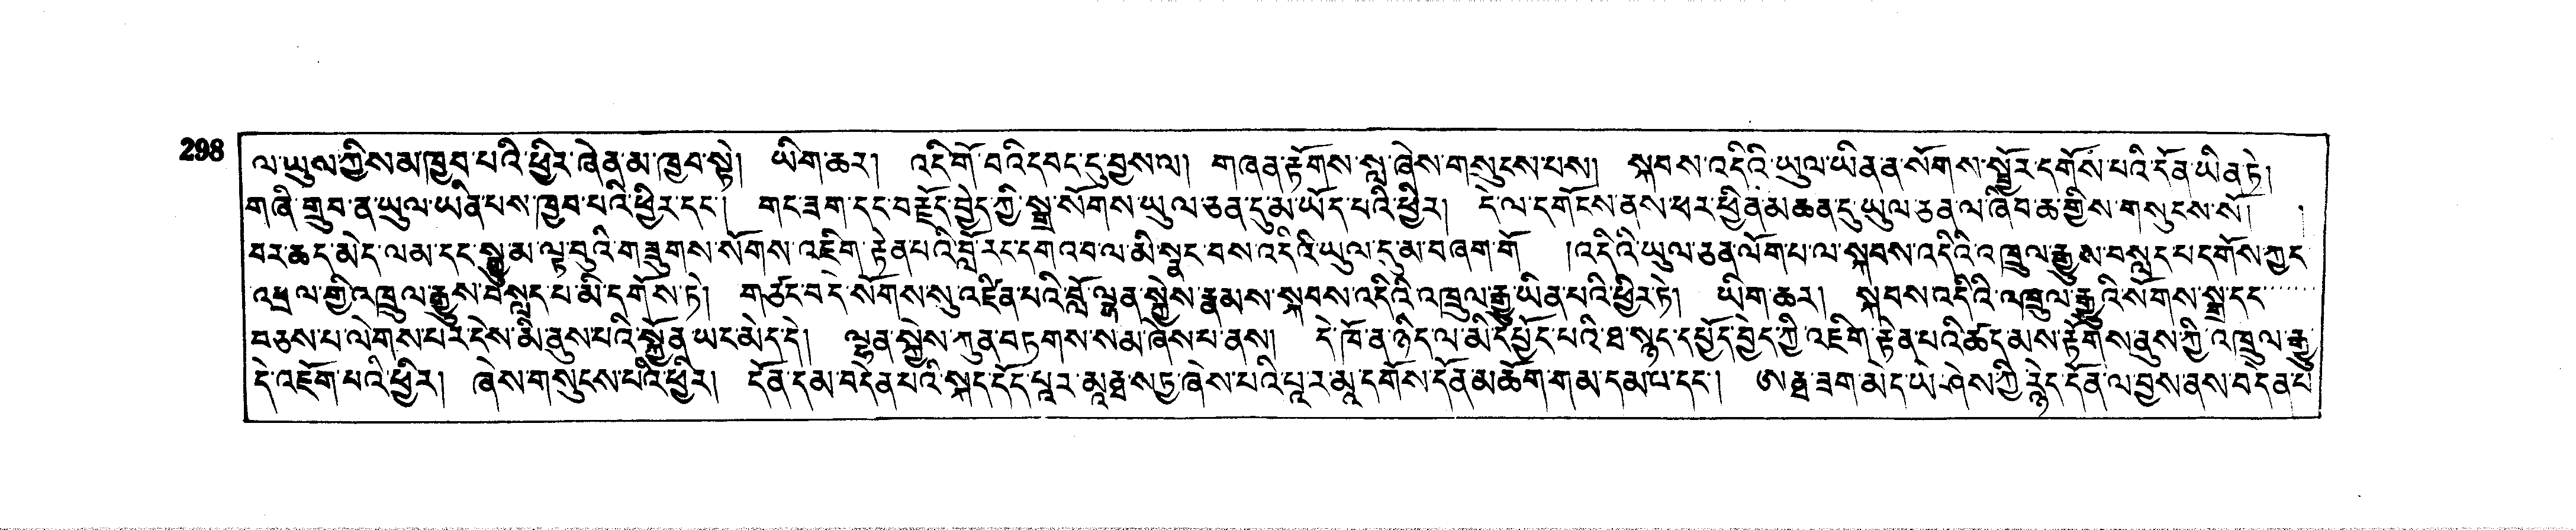ལ་ཡུལ་ཀྱིས་མ་ཁྱབ་པའི་ཕྱིར་ཞེན་མ་ཁྱབ་སྟེ། ཡིག་ཆར། འདི་གོ་བའི་དབང་དུ་བྱས་ལ། གཞན་རྟོགས་སླ་ཞེས་གསུངས་པས། སྐབས་འདིའི་ཡུལ་ཡིན་ན་སོགས་སྦྱོར་དགོས་པའི་དོན་ཡིན་ཏེ།
གཞི་གྲུབ་ན་ཡུལ་ཡིན་པས་ཁྱབ་པའི་ཕྱིར་དང་། གང་ཟག་དང་བརྗོད་བྱེད་ཀྱི་སྒྲ་སོགས་ཡུལ་ཅན་དུ་མ་ཡོད་པའི་ཕྱིར། དེ་ལ་དགོངས་ནས་ཕར་ཕྱིན་མཆན་དུ་ཡུལ་ཅན་ལ་ཞིབ་ཆ་གྱིས་གསུངས་སོ། །
བར་ཆད་མེད་ལམ་དང་སྒྱུ་མ་ལྟ་བུའི་གཟུགས་སོགས་འཇིག་རྟེན་པའི་བློ་རང་དགའ་བ་ལ་མི་སྣང་བས་འདིའི་ཡུལ་དུ་མ་བཞག་གོ །འདིའི་ཡུལ་ཅན་ལོག་པ་ལ་སྐབས་འདིའི་འཁྲུལ་རྒྱུའི་བསླད་པ་དགོས་ཀྱང་
འཕྲལ་གྱི་འཁྲུལ་རྒྱུས་བསླད་པ་མི་དགོས་ཏེ། གཙང་བདེ་སོགས་སུ་འཛིན་པའི་བློ་ལྷན་སྐྱེས་རྣམས་སྐབས་འདིའི་འཁྲུལ་རྒྱུ་ཡིན་པའི་ཕྱིར་ཏེ། ཡིག་ཆར། །སྐབས་འདིའི་འཁྲུལ་རྒྱུའི་སོགས་སྒྲ་དང་
བཅས་པ་ལེགས་པར་ངེས་མི་ནུས་པའི་སྐྱོན་ཡང་མེད་དེ། ལྷན་སྐྱེས་ཀུན་བཏགས་སམ་ཞེས་པ་ནས། དེ་ཁོ་ན་ཉིད་ལ་མི་དཔྱོད་པའི་ཐ་སྙད་དཔྱོད་བྱེད་ཀྱི་འཇིག་རྟེན་པའི་ཚད་མས་རྟོགས་ནུས་ཀྱི་འཁྲུལ་རྒྱུ་
དེ་འཇོག་པའི་ཕྱིར། ཞེས་གསུངས་པའི་ཕྱིར། དོན་དམ་བདེན་པའི་སྐད་དོད་པཱར་མཱརྠ་སྟྱ་ཞེས་པའི་པཱ་ར་མཱ་དགོས་དོན་མཆོག་གམ་དམ་པ་དང་། ཨ་རྠ་ཟག་མེད་ཡེ་ཤེས་ཀྱི་རྙེད་དོན་ལ་བྱས་ནས་བདེན་པ་